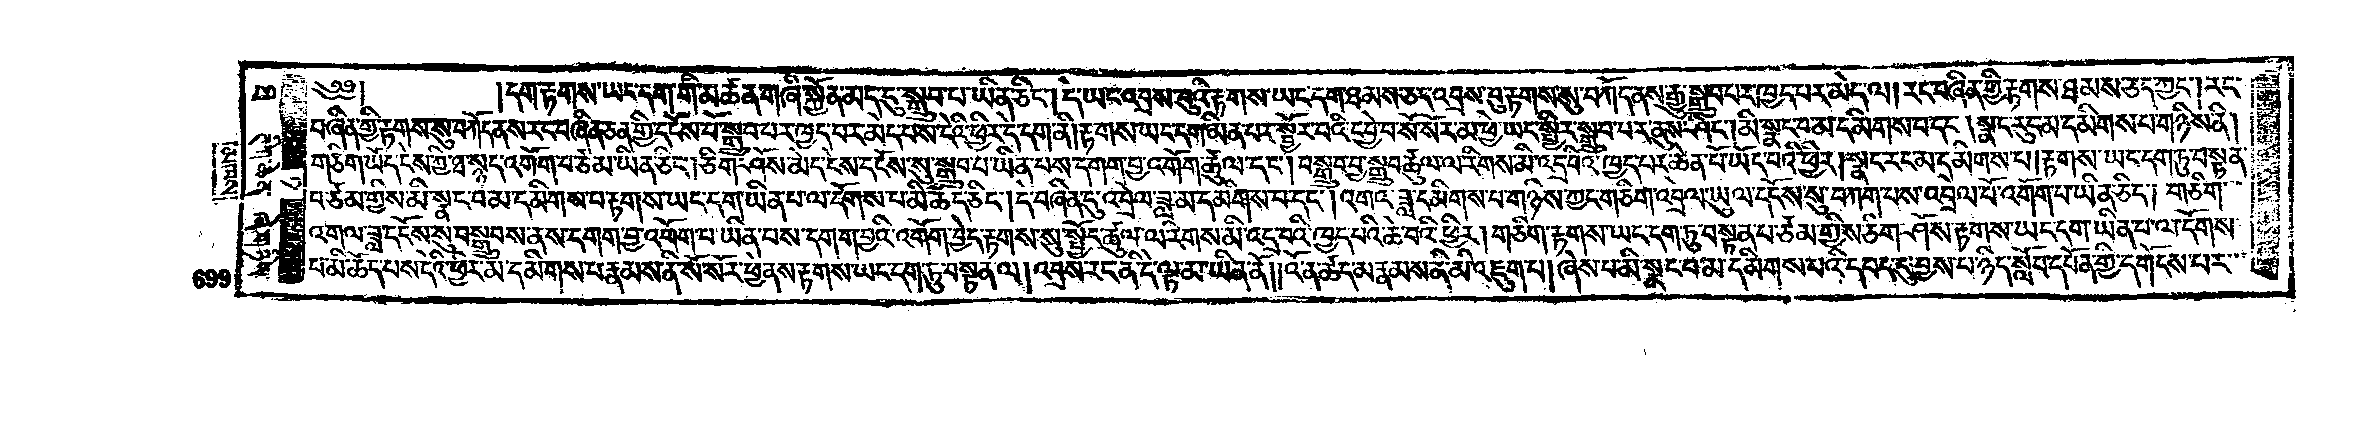༄༅། །དག་རྟགས་ཡང་དག་གི་མཚན་གཞི་སྐྱོན་མེད་དུ་སྒྲུབ་པ་ཡིན་ཅིང་། དེ་ཡང་འབྲས་བུའི་རྟགས་ཡང་དག་ཐམས་ཅད་འབྲས་བུ་རྟགས་སུ་བཀོད་ནས་རྒྱུ་སྒྲུབ་པར་ཁྱད་པར་མེད་ལ། རང་བཞིན་གྱི་རྟགས་ཐམས་ཅད་ཀྱང་། རང་
བཞིན་གྱི་རྟགས་སུ་བཀོད་ནས་རང་བཞིན་ཅན་གྱི་དངོས་པོ་སྒྲུབ་པར་ཁྱད་པར་མེད་པས་དེའི་ཕྱིར་དེ་དག་ནི། རྟགས་ཡང་དག་མིན་པར་སྦྱོར་བའི་དབྱེ་བ་སོ་སོར་མ་ཕྱེ་ཡང་སྤྱིར་སྒྲུབ་པར་ནུས་ཤིང་། མི་སྣང་བ་མ་དམིགས་པ་དང་། སྣང་རུང་མ་དམིགས་པ་གཉིས་ནི།
གཅིག་ཡོད་ངེས་ཀྱི་ཐ་སྙད་འགོག་པ་ཙམ་ཡིན་ཅིང་། ཅིག་ཤོས་མེད་ངེས་དངོས་སུ་སྒྲུབ་པ་ཡིན་པས་དགག་བྱ་འགོག་ཚུལ་དང་། བསྒྲུབ་བྱ་སྒྲུབ་ཚུལ་ལ་རིགས་མི་འདྲ་བའི་ཁྱད་པར་ཆེན་པོ་ཡོད་པའི་ཕྱིར། སྣང་རུང་མ་དམིགས་པ། རྟགས་ཡང་དག་ཏུ་བསྟན་
པ་ཙམ་གྱིས་མི་སྣང་བ་མ་དམིགས་པ་རྟགས་ཡང་དག་ཡིན་པ་ལ་དོགས་པ་མི་ཆོད་ཅིང་། དེ་བཞིན་དུ་འབྲེལ་ཟླ་མ་དམིགས་པ་དང་། འགལ་ཟླ་དམིགས་པ་གཉིས་ཀྱང་གཅིག་འབྲེལ་ཡུལ་དངོས་སུ་བཀག་པས་འབྲེལ་པོ་འགོག་པ་ཡིན་ཅིང་། གཅིག་
འགལ་ཟླ་དངོས་སུ་བསྒྲུབས་ནས་དགག་བྱ་འགོག་བྱ་འགོག་པ་ཡིན་པས་དགག་བྱའི་འགོག་བྱེད་རྟགས་སུ་སྦྱོར་ཚུལ་ལ་རིགས་མི་འདྲ་བའི་ཁྱད་པར་ཆེ་བའི་ཕྱིར། གཅིག་རྟགས་ཡང་དག་ཏུ་བསྟན་པ་ཙམ་གྱིས་ཅིག་ཤོས་རྟགས་ཡང་དག་ཡིན་པ་ལ་དོགས་
པ་མི་ཆོད་པས་དེའི་ཕྱིར་མ་དམིགས་པ་རྣམས་ནི་སོ་སོར་ཕྱེ་ནས་རྟགས་ཡང་དག་ཏུ་བསྟན་ལ། འབྲས་རང་ནི་དེ་ལྟ་མ་ཡིན་ནོ། །འོ་ན་ཚད་མ་རྣམས་ནི་མི་འཇུག་པ། ཞེས་པ་མི་སྣང་བ་མ་དམིགས་པའི་དབང་དུ་བྱས་པ་ཉིད་སློབ་དཔོན་གྱི་དགོངས་པར་